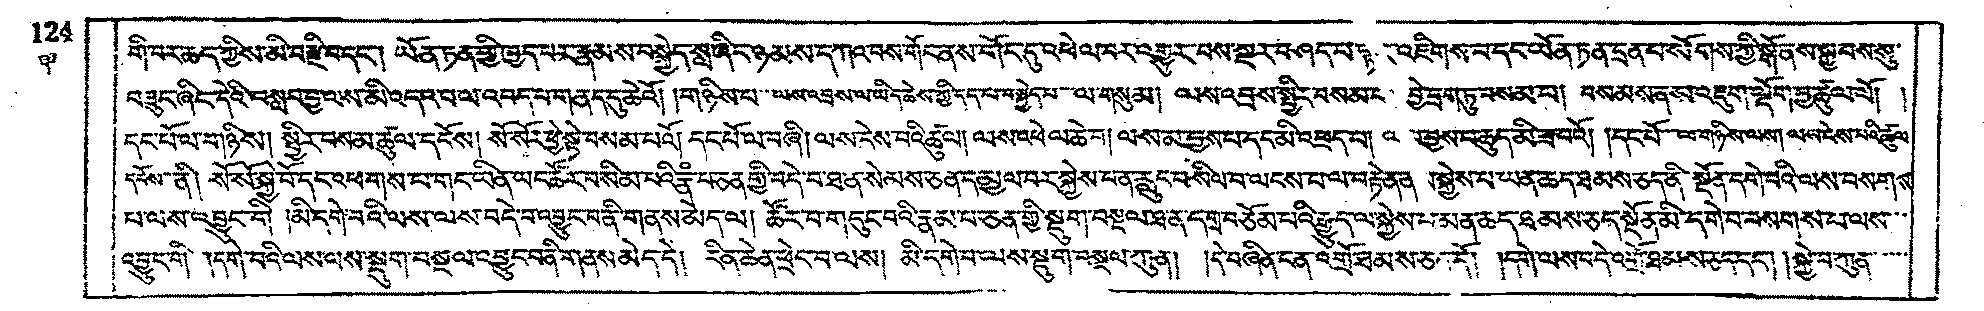གི་བར་ཆད་ཀྱིས་མི་བརྫིབ་དང་། ཡོན་ཏན་གྱི་ཁྱད་པར་རྣམས་བསྐྱེད་སླ་ཞིང་ཉམས་དཀའ་བས་གོང་ནས་གོང་དུ་འཕེལ་བར་འགྱུར་བས་སྔར་བཤད་པ་ལྟར་འཇིགས་པ་དང་ཡོན་ཏན་དྲན་པ་སོགས་ཀྱི་སྒོ་ནས་སྐྱབས་སུ་
བཟུང་ཞིང་དེའི་བསླབ་བྱ་ལས་མི་འདའ་བ་ལ་འབད་པ་གནད་ཆེའོ། །གཉིས་པལས་འབྲས་ལ་ཡིད་ཆེས་ཀྱི་དད་པ་བསྐྱེད་པལ་གསུམ། ལས་འབྲས་སྤྱིར་བསམ་པ། བྱེ་བྲག་ཏུ་བསམ་པ། བསམས་ནས་འཇུག་ལྡོག་བྱ་ཚུལ་ལོ། །
དང་པོ་ལ་གཉིས། སྤྱིར་བསམ་ཚུལ་དངོས། སོ་སོར་ཕྱེ་སྟེ་བསམ་པའོ། དང་པོ་ལ་བཞི། ལས་ངེས་པའི་ཚུལ། ལས་འཕེལ་ཆེ་བ། ལས་བྱས་པ་དང་མི་འཕྲད་པ། ལས་བྱས་པ་ཆུད་མི་ཟ་བའོ། །དང་པོལ་གཉིས་ལས། ལས་ངེས་པའི་ཚུལ་
དངོསྣི། སོ་སོ་སྐྱེ་བོ་དང་འཕགས་པ་གང་ཡིན་ཡང་ཚོར་བ་སིམ་པའི་རྣཾ་པ་ཅན་གྱི་བདེ་བ་ཐ་ན་སེམས་ཅན་དམྱལ་བར་སྐྱེས་པ་ན་རླུང་བསིལ་བ་ལངས་པ་ལ་བརྟེན་ནས་སྐྱེས་པ་ཡན་ཆད་ཐམས་ཅད་ནི་སྔོན་དགེ་བའི་ལས་བསགས་
པ་ལས་འབྱུང་གི །མི་དགེ་བའི་ལས་ལས་བདེ་བ་འབྱུང་བ་ནི་གནས་མེད་ལ། ཚོར་བ་གདུང་བའི་རྣམ་པ་ཅན་གྱི་སྡུག་བསྔལ་ཐ་ན་དགྲ་བཅོམ་པའི་རྒྱུད་ལ་སྐྱེས་པ་མན་ཆད་ཐམས་ཅད་སྔོན་མི་དགེ་བ་བསགས་པ་ལས་
འབྱུང་གི །དགེ་བའི་ལས་ལས་སྡུག་བསྔལ་འབྱུང་བ་ནི་གནས་མེད་དེ། རིན་ཆེན་ཕྲེང་བ་ལས། མི་དགེ་བ་ལས་སྡུག་བསྔལ་ཀུན། །དེ་བཞིན་ངན་འགྲོ་ཐམས་ཅད་དོ། །དགེ་ལས་བདེ་འགྲོ་ཐམས་ཅད་དང་། །སྐྱེ་བ་ཀུན་